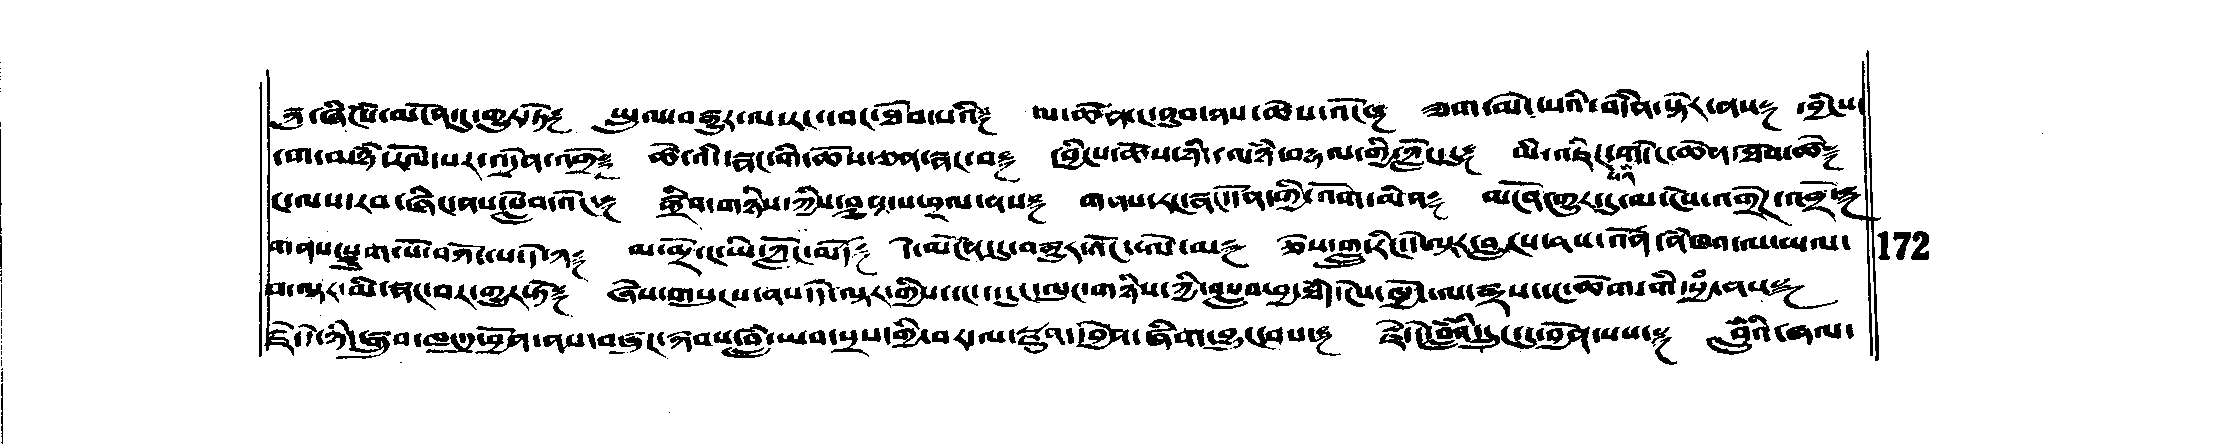།སྐུ་ཞིང་ཁམས་མངོན་དུ་གྱུར་ཏེ། །སྤྲུལ་བསྒྱུར་ལ་རང་དབང་ཐོབ་པའི། །མ་ཆེན་ང་ནུབ་ནས་ཆས་འོང་། །ཟག་མེད་པའི་བདེ་ཆེན་སྟེར་ནས། །དབྱིངས་
དག་མཉམ་རོལ་པར་འདྲེན་འགྲོ། །ཚེ་འདི་སྣང་གི་ཆོས་ཅན་སྣང་བ། །དབྱིངས་ཆོས་ཉིད་མཉམ་བརྡལ་གྱི་ཀློང་དུ། །མི་འཇིགས་པའི་གདེང་ཆེན་ཐོབ་ཚེ། །
ང་ལས་རབ་ཞིང་ནས་བསླེབ་འོང་། །སྒྲིབ་གཉིས་ཀྱིས་ཤུན་པ་ཕྲལ་ནས། །གནས་རང་སྣང་དོན་གྱི་འོག་མིན། །མངོན་གྱུར་དུ་མ་ངེས་འགྲོགས་འགྲོ། །
གནས་སྟུག་པོ་བཀོད་པ་དེ་ཀ། །མ་མཁའ་འགྲོ་ང་ཡི་ཀློང་མཛོད། །དེ་མངོན་དུ་བསྒྱུར་འོང་ཨེ་མ། །ཅེས་གླུ་རིགས་དེ་ལྟར་བླངས་ནས་འཇའ་ཚོན་ནམ་མཁའ་ལ་ཡལ་
བ་ལྟར་མི་སྣང་བར་གྱུར་ཏོ། །ཞེས་གསུངས་ནས་དེ་ལྟར་གྱིས་ངང་ད་དུང་ལུགས་གཉིས་ཀྱི་བསླབ་བྱ་ཐམས་ཅད་ངས་ཁྱོད་ལ་སྨྲས་དང་ཆོག་གི་གསུང་ནས། 
རྗེ་དེ་ཉིད་སྒྲུབ་ཁང་དུ་བྱོན་ནས་བཞུགས་སྐབས་བླ་མ་ཡབ་སྲས་གྱི་བར་ལ་རྫུན་དབྱེན་ཞིག་བྱུང་བས།རྗེ་དེ་བླ་མའི་དྲུང་དུ་བྱོན་པས། བླ་མའི་ཞལ་